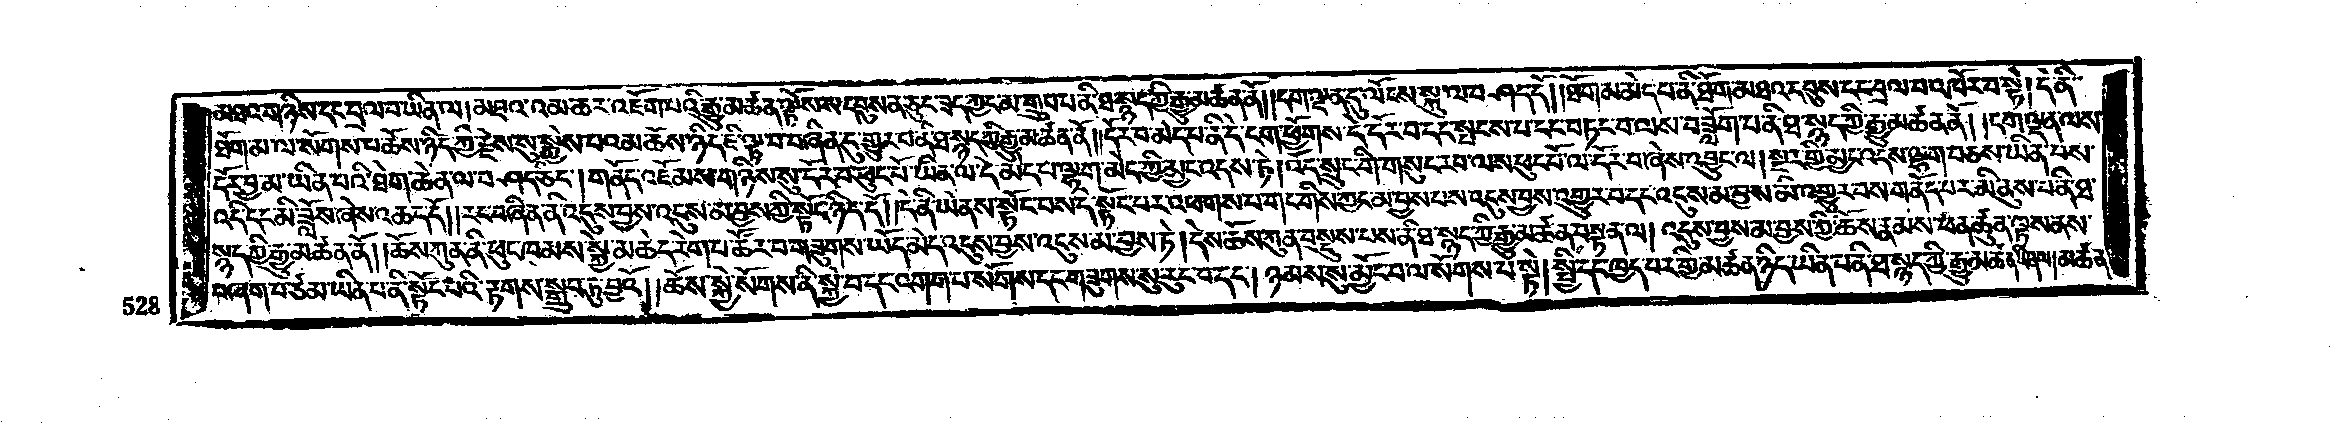མཐའ་གཉིས་དང་བྲལ་བ་ཡིན་ལ། མཐའ་འམ་ཆར་འཇོག་པའི་རྒྱུ་མཚན་ལྟོས་ས་དབུས་ན་ཅུང་ཟད་ཀྱང་མ་གྲུབ་པ་ནི་ཐ་སྙད་ཀྱི་རྒྱུ་མཚན་ནོ། །དག་ལྡན་དུ་ལོངས་སྐུ་ལ་བཤད་དོ། །ཐོག་མ་མེད་པ་ནི་ཐོག་མཐའ་དབུས་དང་བྲལ་བ་འཁོར་བ་སྟེ། དེ་ནི་
ཐོག་མ་ལ་སོགས་པ་ཆོས་ཉིད་ཀྱི་རྗེས་སུ་སྐྱེས་པའམ་ཆོས་ཉིད་ཇི་ལྟ་བ་བཞིན་དུ་གྱུར་པ་ནི་ཐ་སྙད་ཀྱི་རྒྱུ་མཚན་ནོ། །དོར་བ་མེད་པ་ནི་དེ་དག་ཕྱོགས་དེ་དོར་བ་དང་སྤངས་པ་དང་བཏང་བ་ལས་བཟློག་པ་ནི་ཐ་སྙད་ཀྱི་རྒྱུ་མཚན་ནོ། །དག་ལྡན་ལས་
དོར་བྱ་མ་ཡིན་པའི་ཐེག་ཆེན་ལ་བཤད་ཅིང་། གནོད་འཇོམས་གཉིས་སུ་དོར་བ་ཕུང་པོ་ཡིན་ལ་དེ་མེད་པ་ལྷག་མེད་ཀྱི་མྱང་འདས་ཏེ། འོད་སྲུང་གི་གསུང་རབ་ལས་ཕུང་པོ་ལ་དོར་བ་ཞེས་འབྱུང་ལ། སྔར་གྱི་མྱང་འདས་ལྷག་བཅས་ཡིན་པས་
འདི་དང་མི་ཟློས་ཞེས་འཆད་དོ། །རང་བཞིན་ནི་འདུས་བྱས་འདུས་མ་བྱས་ཀྱི་སྟོང་ཉིད་དོ། །དེ་ནི་ཡིན་ས་སྟོང་བས་དེ་སྟོང་པར་འཕགས་པ་གང་གིས་ཀྱང་མ་བྱས་པས་འདུས་བྱས་འགྱུར་བ་དང་འདུས་མ་བྱས་མི་འགྱུར་བས་གནོད་པར་མི་ནུས་པ་ནི་ཐ་
སྙད་ཀྱི་རྒྱུ་མཚན་ནོ། །ཆོས་ཀུན་ནི་ཕུང་ཁམས་སྐྱེ་མཆེད་རེག་པ་ཚོར་བ་གཟུགས་ཡོད་མེད་འདུས་བྱས་འདུས་མ་བྱས་ཏེ། དེས་ཆོས་ཀུན་བསྡུས་པས་ནི་ཐ་སྙད་ཀྱི་རྒྱུ་མཚན་བསྟན་ལ། འདུས་བྱས་མ་བྱས་ཀྱི་ཆོས་རྣམས་ཕན་ཚུན་ལྟས་ནས་
བཞག་པ་ཙམ་ཡིན་པ་ནི་སྟོང་པའི་རྟགས་སྒྲུབ་ཏུ་བྱའོ། །ཆོས་སྐྱེ་སོགས་ནི་སྐྱེ་བ་དང་འགག་པ་སོགས་དང་གཟུགས་སུ་རུང་བ་དང་། ཉམས་སུ་མྱོང་བ་ལ་སོགས་པ་སྟེ། སྤྱི་དང་ཁྱད་པར་གྱི་མཚན་ཉིད་ཡིན་པ་ནི་ཐ་སྙད་ཀྱི་རྒྱུ་མཚན་ཡིན་ལ། མཚན་